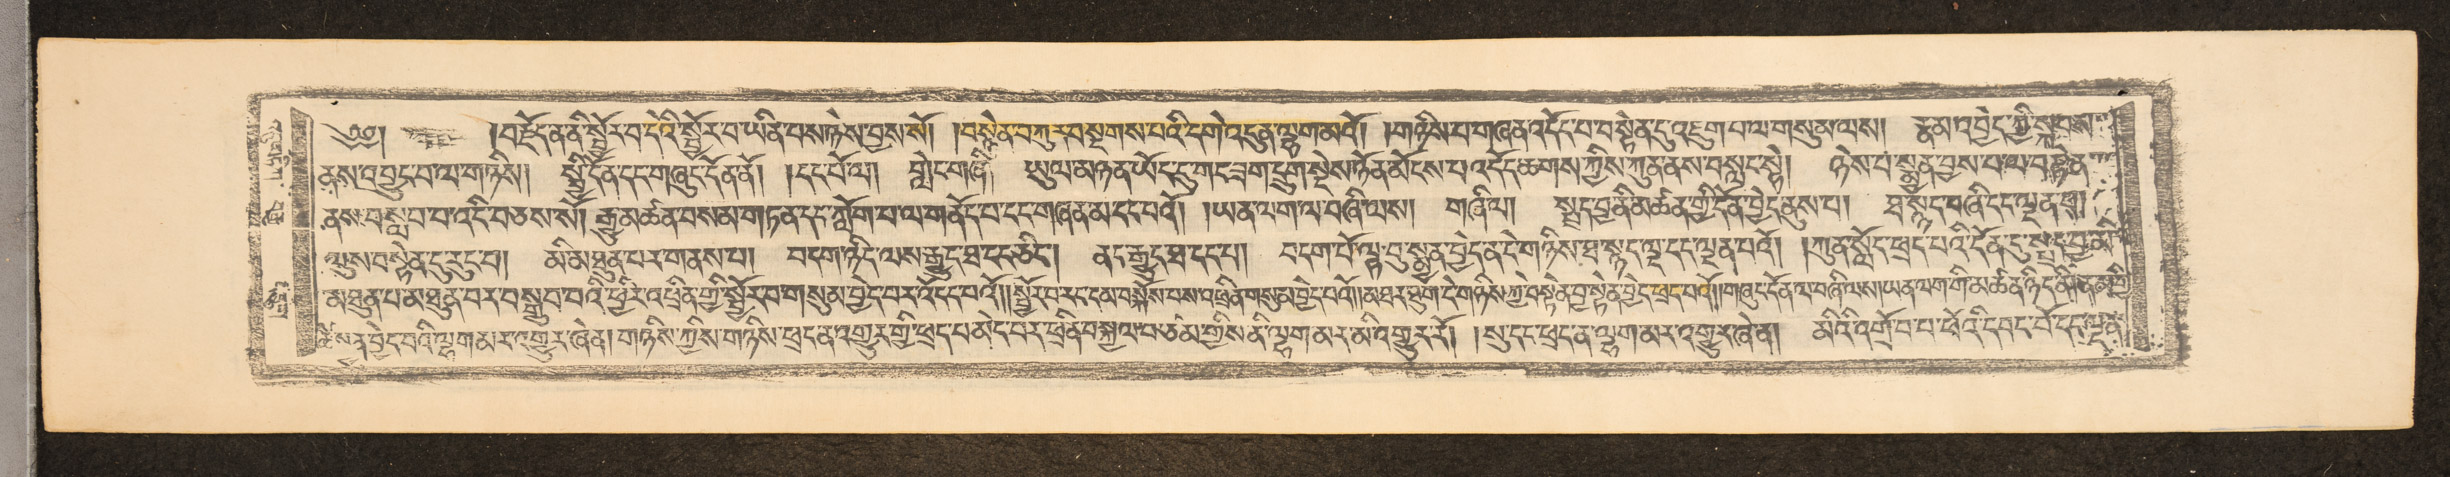༄༅། །བརྗོད་ན་ནི་སྦྱོར་བ་དེའི་སྦྱོར་བ་ཡིན་པས་ཉེས་བྱས་སོ། །བསྙེན་བཀུར་བསྔགས་པའི་དགེ་འདུན་ལྷག་མའོ། །གཉིས་པ་གཞན་འདོད་པ་བསྟེན་དུ་འཇུག་པ་ལ་གསུམ་ལས། རྣམ་འབྱེད་ཀྱི་སྐབས་
ནས་འབྱུང་བ་ལ་གཉིས། སྤྱི་དོན་དང་གཞུང་དོན་ནོ། །དང་པོ་ལ། གླེང་གཞི། ཡུལ་མཉན་ཡོད་དུ་གང་ཟག་དྲུག་སྡེས་ཉོན་མོངས་པ་འདོད་ཆགས་ཀྱིས་ཀུན་ནས་བསླང་སྟེ། ཉེས་པ་སྨྱན་བྱས་པ་ལ་བརྟེན་
ནས་བསླབ་པ་འདི་བཅས་སོ། རྒྱུ་མཚན་བསམ་གཏན་དང་ཀློག་པ་ལ་གནོད་པ་དང་གཞན་མ་དད་པའོ། །ཡན་ལག་ལ་བཞི་ལས། གཞི་ལ། སྤྲད་བྱ་ནི་མཚན་གྱི་དོན་བྱེད་ནུས་པ། ཐ་སྙད་བཞི་དང་ལྡན་པ།
ལུས་བསྟེན་དུ་རུང་བ། མི་མཐུན་པར་གནས་པ། བདག་ཉིད་ལས་རྒྱུད་ཐ་དད་ཅིང་། ནང་རྒྱུད་ཐ་དད་པ། བདག་པོ་ལྟ་བུ་སྨྱན་བྱེད་ན་དེ་གཉིས་ཐ་སྙད་ལྔ་དང་ལྡན་པའོ། །ཀུན་སློང་ཕྲད་པའི་དོན་དུ་སྤྲང་བྱ་མི་
མཐུན་པ་མཐུན་པར་བསྒྲུབ་པའི་ཕྱིར་འཕྲིན་གྱི་སྦྱོར་བ་གསུམ་བྱེད་པར་འདོད་པའོ། །སྦྱོར་བ་རང་དམ་བསྐོས་པས་འཕྲིན་གསུམ་བྱེད་པའོ། །མཐར་ཐུག་དེ་གཉིས་ཀྱི་བསྟེན་བྱ་སྟེན་བྱེད་ཕྲད་པའོ། །གཞུང་དོན་ལ་བཞི་ལས། ཡན་ལག་གི་མཚན་ཉིད་ནི། ནམ་གྱི་
ཚེ་སྨྱན་བྱེད་པའི་ལྷག་མར་འགྱུར་ཞེ་ན། གཉིས་ཀྱིས་གཉིས་ཕྲད་ན་འགྱུར་གྱི་ཕྲད་པ་མེད་པར་ཕྲིན་བསྐྱལ་བ་ཙམ་གྱིས་ནི་ལྷག་མར་མི་འགྱུར་རོ། །སུ་དང་ཕྲད་ན་ལྷག་མར་འགྱུར་ཞེ་ན། མིའི་འགྲོ་བ་ཕོའི་དབང་པོ་དང་ལྡན་